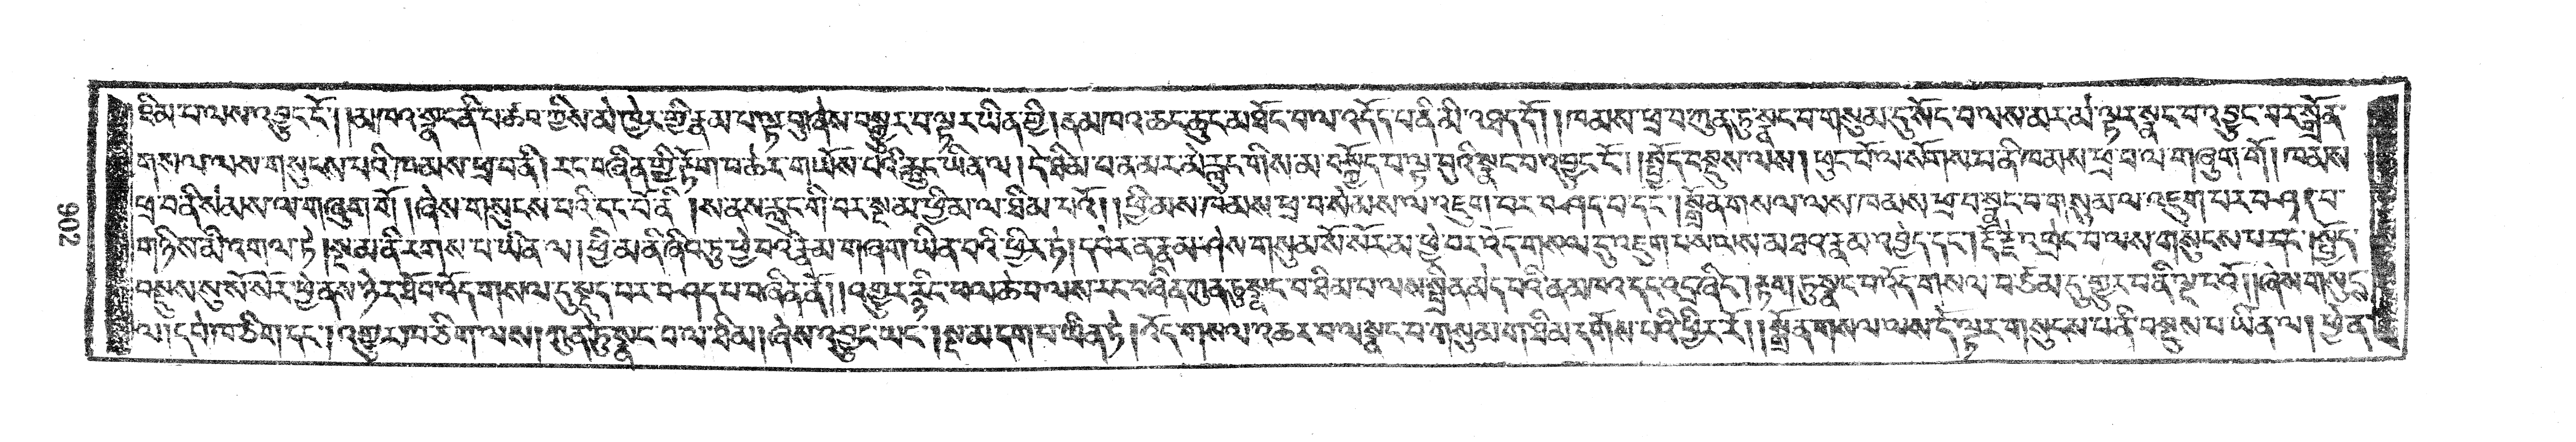ཐིམ་པ་ལས་འབྱུང་ངོ། །མཁའ་སྣང་ནི་པ་ཚབ་ཀྱིས་མེ་ཁྱེར་གྱི་རྣམ་པ་ལྟ་བུ་ཞེས་བསྒྱུར་བ་ལྟར་ཡིན་གྱི། ནམ་མཁའ་ཆང་ཆུང་མཐོང་བ་ལ་འདོད་པ་ནི་མི་འཐད་དོ། །ཁམས་ཕྲ་བ་ཀུན་ཏུ་སྣང་བ་གསུམ་དུ་སོང་བ་ལས་མར་མེ་ལྟར་སྣང་བ་འབྱུང་བར་སྒྲོན་
གསལ་ལས་གསུངས་པའི་ཁམས་ཕྲ་བ་ནི། རང་བཞིན་གྱི་རྟོག་པ་ཆེར་གཡོས་པའི་རླུང་ཡིན་ལ། དེ་ཐིམ་པ་ན་མར་མེ་རླུང་གིས་མ་བསྐྱོད་པ་ལྟ་བུའི་སྣང་བ་འབྱུང་ངོ། །སྤྱོད་བསྡུས་ལས། ཕུང་པོ་ལ་སོགས་པ་ནི་ཁམས་ཕྲ་བ་ལ་གཞུག་གོ །ཁམས་
ཕྲ་བ་ནི་སེམས་ལ་གཞུག་གོ །ཞེས་གསུངས་པའི་དང་པོ་ནི། ས་ནས་རླུང་གི་བར་སྔ་མ་ཕྱི་མ་ལ་ཐིམ་པའོ། །ཕྱི་མས་ཁམས་ཕྲ་བ་སེམས་ལ་འཇུག་པར་བཤད་པ་དང་། སྒྲོན་གསལ་ལས་ཁམས་ཕྲ་བ་སྣང་བ་གསུམ་ལ་འཇུག་པར་བཤད་པ་
གཉིས་མི་འགལ་ཏེ། སྔ་མ་ནི་རགས་པ་ཡིན་ལ། ཕྱི་མ་ནི་ཞིབ་ཏུ་ཕྱེ་བའི་རྣམ་གཞག་ཡིན་པའི་ཕྱིར་ཏེ། དཔེར་ན་རྣམ་ཤེས་གསུམ་སོ་སོར་མ་ཕྱེ་བར་འོད་གསལ་དུ་འཇུག་པས་ལས་མཐའ་རྣམ་འབྱེད་དང་། རྡོ་རྗེ་འཕྲེང་བ་ལས་གསུངས་པ་དང་། སྤྱོད་
བསྡུས་སུ་སོ་སོར་ཕྱེ་ནས་ཉེར་ཐོབ་འོད་གསལ་དུ་སྡུད་པར་བཤད་པ་བཞིན་ནོ། །འགྱུར་རྙིང་ཕལ་ཆེ་བ་ལས་རང་བཞིན་ཀུན་ཏུ་སྣང་བ་ཐིམ་པ་ལས་སྤྲིན་མེད་པའི་ནམ་མཁའ་དང་འདྲ་ཞིང་། རྟག་ཏུ་སྣང་བ་འོད་གསལ་བ་ཙམ་དུ་གྱུར་པ་ནི་ལྔ་པའོ། །ཞེས་གསུངས་
ལ། དཔེ་ཁ་ཅིག་དང་། འགྱུར་ཁ་ཅིག་ལས། ཀུན་ཏུ་སྣང་བ་ལ་ཐིམ། ཞེས་འབྱུང་ཡང་། སྔ་མ་དག་པ་ཡིན་ཏེ། འོད་གསལ་འཆར་བ་ལ་སྣང་བ་གསུམ་ག་ཐིམ་དགོས་པའི་ཕྱིར་རོ། །སྒྲོན་གསལ་ལས་དེ་ལྟར་གསུངས་པ་ནི་བསྡུས་པ་ཡིན་ལ། ཕྱེ་ན་